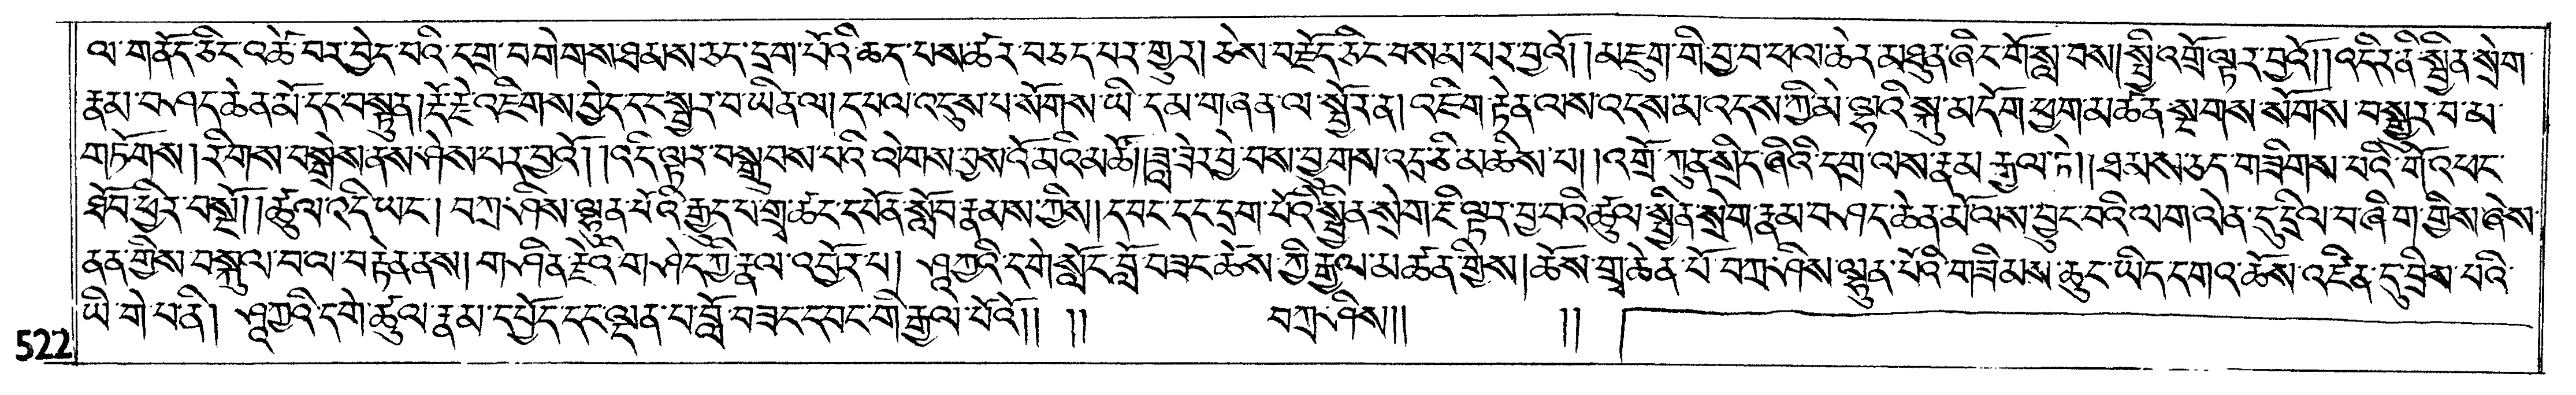ལ་གནོད་ཅིང་འཚེ་བར་བྱེད་པའི་དགྲ་བགེགས་ཐམས་ཅད་དྲག་པོའི་ཆད་པས་ཚར་བཅད་པར་གྱུར། ཅེས་བརྗོད་ཅིང་བསམ་པར་བྱའོ། །མཇུག་གི་བྱ་བ་ཕལ་ཆེར་མཐུན་ཞིང་གོ་སླ་བས། སྤྱི་འགྲོ་ལྟར་བྱའོ། །འདིར་ནི་སྦྱིན་སྲེག་
རྣམ་བཤད་ཆེན་མོ་དང་བསྟུན། རྡོ་རྗེ་འཇིགས་བྱེད་དང་སྦྱར་བ་ཡིན་ལ། དཔལ་འདུས་པ་སོགས་ཡི་དམ་གཞན་ལ་སྦྱོར་ན། འཇིག་རྟེན་ལས་འདས་མ་འདས་ཀྱི་མེ་ལྷའི་སྐུ་མདོག་ཕྱག་མཚན་སྔགས་སོགས་བསྒྱུར་བ་མ་
གཏོགས། རིགས་བསྒྲེས་ནས་ཤེས་པར་བྱའོ། །འདི་ལྟར་བསྒྲུབས་པའི་ལེགས་བྱས་འོ་མའི་མཚོ། །ཟླ་ཟེར་བྱེ་བས་བྱུགས་འདྲ་ཅི་མཆིས་པ། །འགྲོ་ཀུན་སྲིད་ཞིའི་དགྲ་ལས་རྣམ་རྒྱལ་ཏེ། །ཐམས་ཅད་གཟིགས་པའི་གོ་འཕང་
ཐོབ་ཕྱིར་བསྔོ། །ཚུལ་འདི་ཡང་། བཀྲ་ཤིས་ལྷུན་པོའི་རྒྱུད་པ་གྲྭ་ཚང་དཔོན་སློབ་རྣམས་ཀྱིས། དབང་དང་དྲག་པོའི་སྦྱིན་སྲེག་ཇི་ལྟར་བྱ་བའི་ཚུལ་སྦྱིན་སྲེག་རྣམ་བཤད་ཆེན་མོ་ལས་བྱུང་བའི་ལག་ལེན་དུ་དྲིལ་བ་ཞིག་གྱིས་ཞེས་
ནན་གྱིས་བསྐུལ་བ་ལ་བརྟེན་ནས། གཤིན་རྗེའི་གཤེད་ཀྱི་རྣལ་འབྱོར་པ། ཤཱཀྱའི་དགེ་སློང་བློ་བཟང་ཆོས་ཀྱི་རྒྱལ་མཚན་གྱིས། ཆོས་གྲྭ་ཆེན་པོ་བཀྲ་ཤིས་ལྷུན་པོའི་གཟིམས་ཆུང་ཡིད་དགའ་ཆོས་འཛིན་དུ་བྲིས་པའི་
ཡི་གེ་པ་ནི། ཤཱཀྱའི་དགེ་ཚུལ་རྣམ་དཔྱོད་དང་ལྡན་པ་བློ་བཟང་དབང་གི་རྒྱལ་པོའོ།། །།བཀྲ་ཤིས།། །།